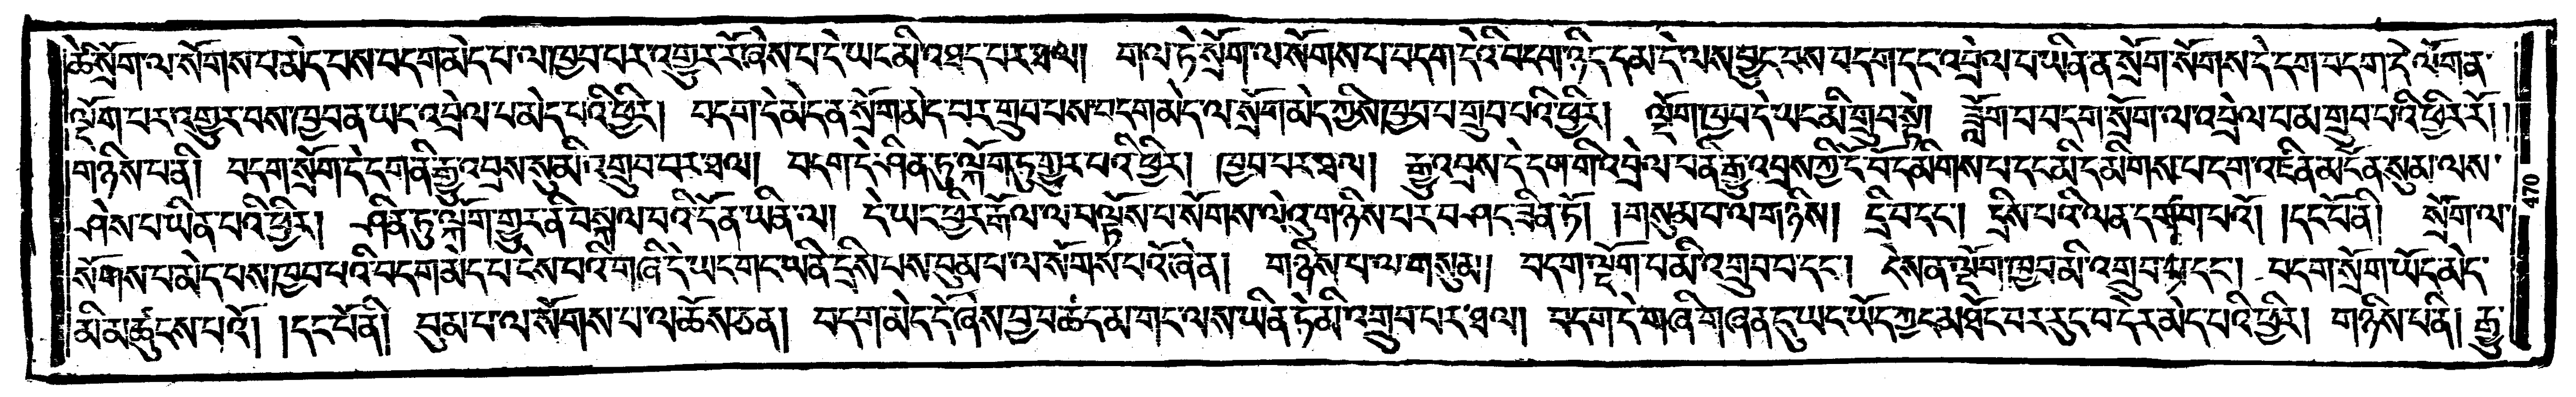ཚེ་སྲོག་ལ་སོགས་པ་མེད་པས་བདག་མེད་པ་ལ་ཁྱབ་པར་འགྱུར་རོ་ཞེས་པ་དེ་ཡང་མི་འཐད་པར་ཐལ། གལ་ཏེ་སྲོག་ལ་སོགས་པ་བདག་དེའི་བདག་ཉིད་དམ་དེ་ལས་བྱུང་བས་བདག་དང་འབྲེལ་བ་ཡིན་ན་སྲོག་སོགས་དེ་དག་བདག་དེ་ལོག་ན་
ལྡོག་པར་འགྱུར་པས་ཁྱབ་ན་ཡང་འབྲེལ་པ་མེད་པའི་ཕྱིར། བདག་དེ་མེད་ན་སྲོག་མེད་པར་གྲུབ་པས་བདག་མེད་ལ་སྲོག་མེད་ཀྱིས་ཁྱབ་པ་གྲུབ་པའི་ཕྱིར། ལྡོག་ཁྱབ་དེ་ཡང་མི་གྲུབ་སྟེ། ཟློག་པ་བདག་སྲོག་ལ་འབྲེལ་པ་མ་གྲུབ་པའི་ཕྱིར་རོ། །
གཉིས་པ་ནི། བདག་སྲོག་དེ་དག་ནི་རྒྱུ་འབྲས་སུ་མི་འགྲུབ་པར་ཐལ། བདག་དེ་ཤིན་ཏུ་ལྐོག་ཏུ་གྱུར་པའི་ཕྱིར། ཁྱབ་པར་ཐལ། རྒྱུ་འབྲས་དེ་དག་གི་འབྲེལ་བ་ནི་རྒྱུ་འབྲས་ཀྱི་ངོ་པོ་དམིགས་པ་དང་མི་དམིགས་པ་དག་འཛིན་མངོན་སུམ་ལས་
ཤེས་པ་ཡིན་པའི་ཕྱིར། ཤིན་ཏུ་ལྐོག་གྱུར་ནི་བསྐལ་བའི་དོན་ཡིན་ལ། དེ་ཡང་ཕྱིར་རྒོལ་ལ་བལྟོས་པ་སོགས་ལེའུ་གཉིས་པར་བཤད་ཟིན་ཏོ། །གསུམ་པ་ལ་གཉིས། དྲི་བ་དང་། དྲིས་པའི་ལན་དགག་པའོ། །དང་པོ་ནི། སྲོག་ལ་
སོགས་པ་མེད་པས་ཁྱབ་པའི་བདག་མེད་པ་ངེས་པའི་གཞི་དེ་ཡང་གང་ཡིན་དྲིས་པས་བུམ་པ་ལ་སོགས་པའོ་ཞེ་ན། གཉིས་པ་ལ་གསུམ། བདག་ལྡོག་པ་མི་འགྲུབ་པ་དང་། དེས་ན་ལྡོག་ཁྱབ་མི་འགྲུབ་པ་དང་། བདག་སྲོག་ཡོད་མེད་
མི་མཚུངས་པའོ། །དང་པོ་ནི། བུམ་པ་ལ་སོགས་པ་ལ་ཆོས་ཅན། བདག་མེད་དོ་ཞེས་བྱ་བ་ཚད་མ་གང་ལས་ཡིན་ཏེ་མི་འགྲུབ་པར་ཐལ། བདག་དེ་གཞི་གཞན་དུ་ཡང་ཡོད་ཀྱང་མཐོང་བར་རུང་བ་དེར་མེད་པའི་ཕྱིར། གཉིས་པ་ནི། རྒྱུ་